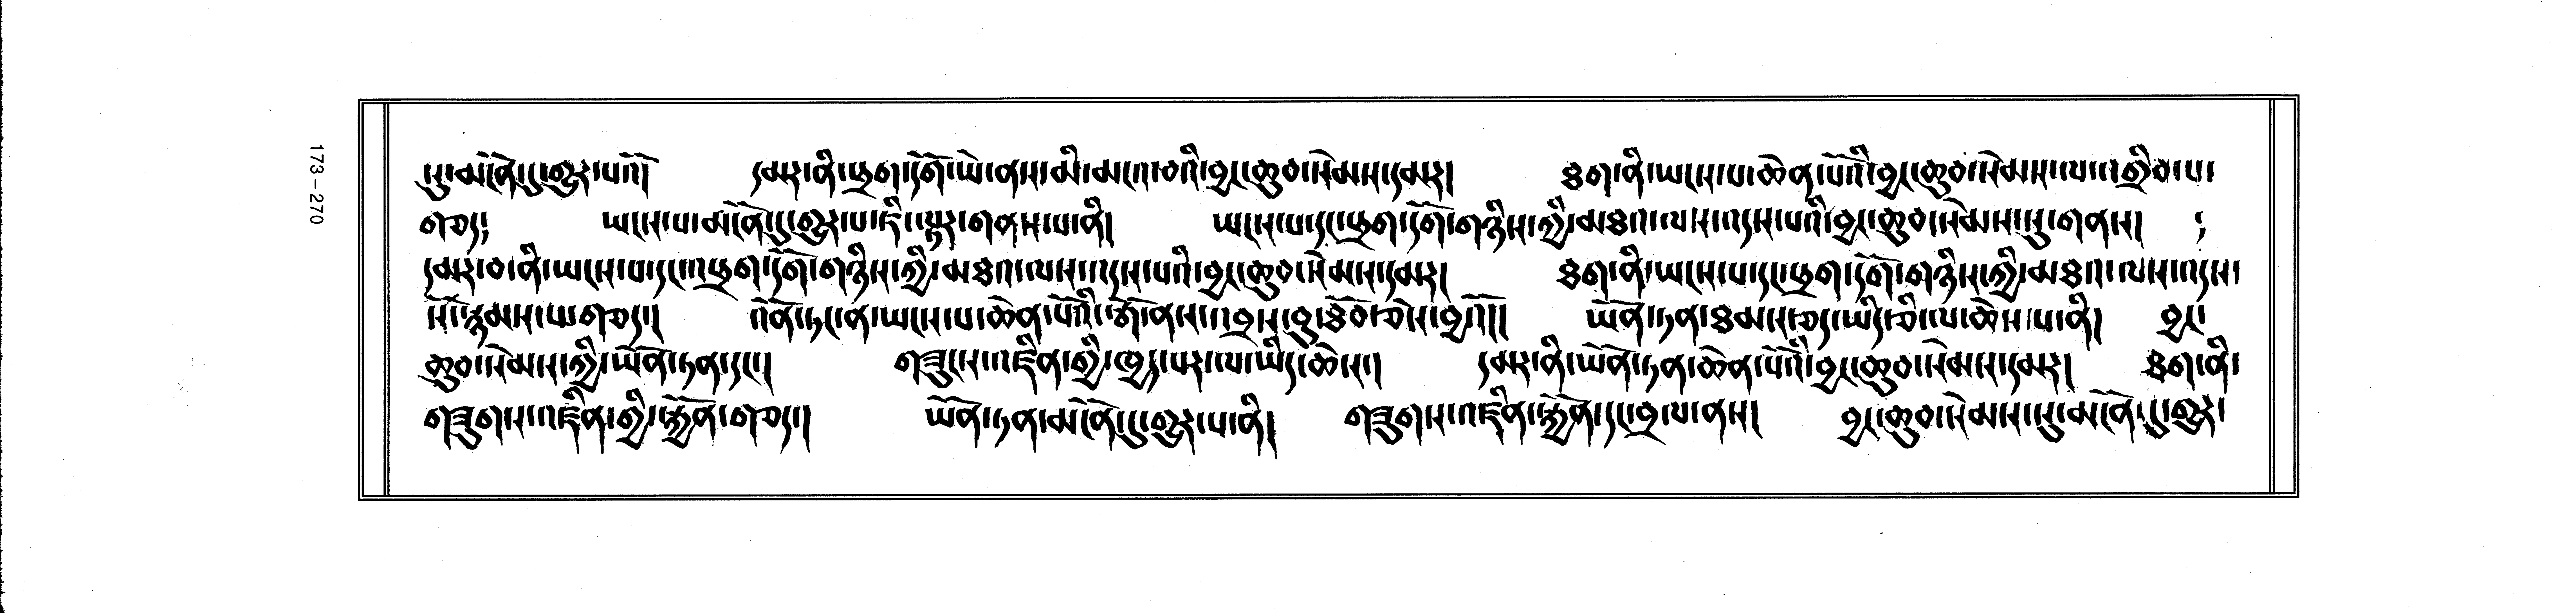སུ་མངོན་དུ་གྱུར་པའོ། །དམར་ནི་ཕྲག་དོག་ཡེ་ནས་མི་མངའ་བའི་བྱང་ཆུབ་སེམས་དམར། ཐག་ནི་ཡངས་པ་ཆེན་པོའི་བྱང་ཆུབ་སེམས་ལ་འགྲིབ་པ་
གཅད། ཡངས་པ་མངོན་དུ་གྱུར་པ་ཇི་ལྟར་གནས་པ་ནི། ཡངས་པ་དང་ཕྲག་དོག་གཉིས་ཀྱི་མཐའ་ལས་འདས་པའི་བྱང་ཆུབ་སེམས་སུ་གནས། 
དམར་བ་ནི་ཡངས་པ་དང་ཕྲག་དོག་གཉིས་ཀྱི་མཐའ་ལས་འདས་པའི་བྱང་ཆུབ་སེམས་དམར། ཐག་ནི་ཡངས་པ་དང་ཕྲག་དོག་གཉིས་ཀྱི་མཐའ་ལས་འདས་
སོ་སྙམ་པ་གཅད། འོན་ཏང་ན་ཡངས་པ་ཆེན་པོའི་འབྲས་བུ་ཐོབ་ཅེས་བྱའོ། །ཡོན་ཏན་ཐམས་ཅད་ཡིད་ཅི་ལ་ཆེས་པ་ནི། བྱང་
ཆུབ་སེམས་ཀྱི་ཡོན་ཏན་དང་། གཟུང་འཛིན་གྱི་ཁྱད་པར་ལ་ཡིད་ཆེས། དམར་ནི་ཡོན་ཏན་ཆེན་པོའི་བྱང་ཆུབ་སེམས་དམར། ཐག་ནི་
གཟུང་འཛིན་གྱི་སྐྱོན་གཅད། ཡོན་ཏན་མངོན་དུ་གྱུར་པ་ནི། གཟུང་འཛིན་སྐྱོན་དང་བྲལ་ནས། བྱང་ཆུབ་སེམས་སུ་མངོན་དུ་གྱུར་